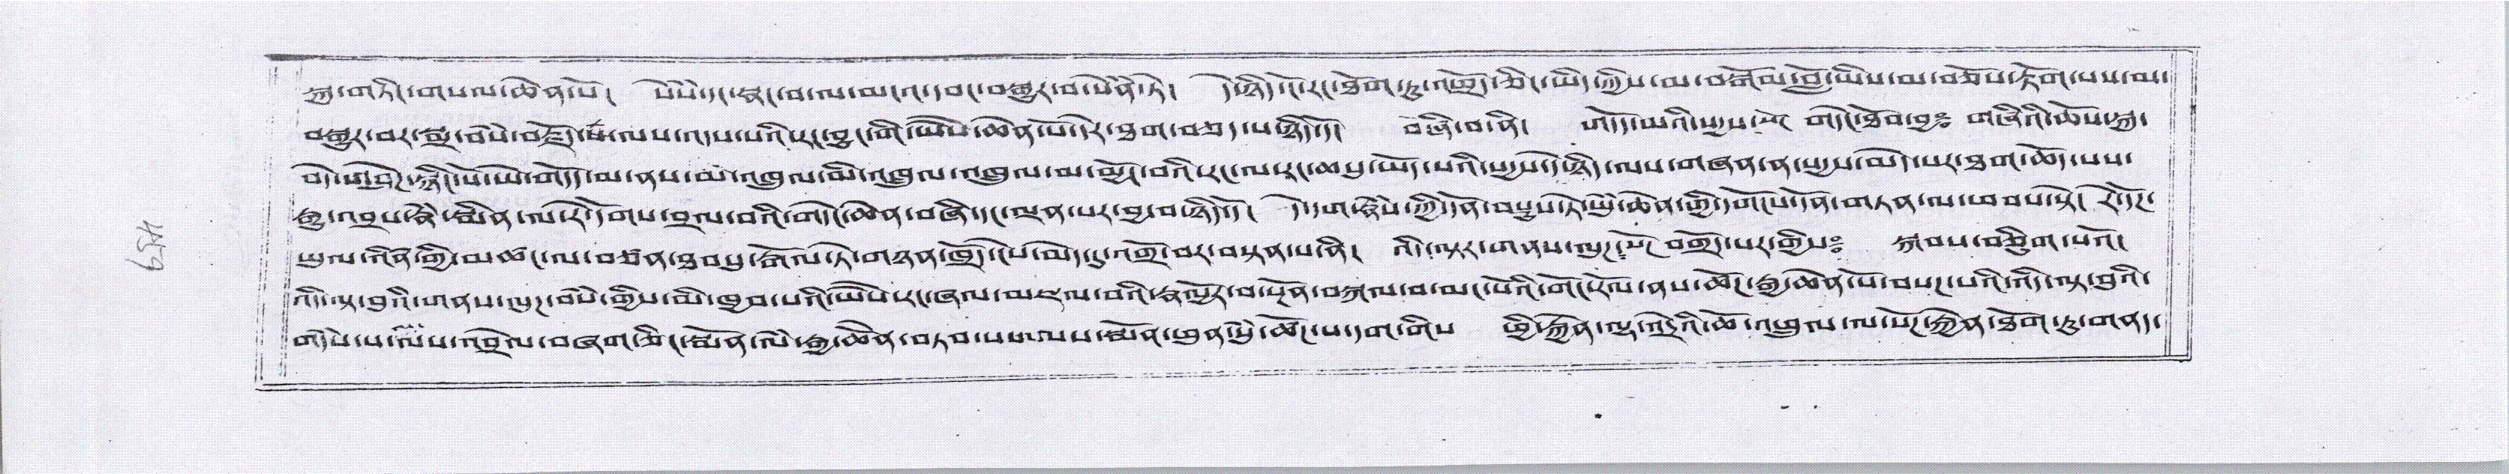སྐུ་གཏིང་གསལ་ཆེན་པོ་སེམས་དང་སྣང་བ་ལ་མངའ་དབང་བསྒྱུར་བ་སེམས་ཅན་ཏེ། དེ་ཉིད་ངོ་རང་ཐོག་ཏུ་འཕྲོད་ཅིང་ཡིད་ཀྱིས་མ་བསྒོམ་བློ་ཡིས་མ་བཅོས་རྟོག་པས་མ་
བསྒྱུར་བར་སྨྲ་བསམ་བརྗོད་པ་ལས་འདས་པའི་རང་འབྱུང་གི་ཡེ་ཤེས་དེར་ཐག་བཅད་པ་ཉིད་དོ། བཞི་པ་ནི། གདོད་མའི་སངས་རྒྱས་སོགས་གདེང་ཐོིབ་བྱཿ གཞིའི་ཆོས་སྐུ་
བདེར་གཤེགས་སྙིང་པོ་ཡེ་གདོད་མ་ནས་མ་འཁྲུལ་མི་འཁྲུལ་འཁྲུལ་མ་མྱོང་བའི་རང་ལ་རང་ཆས་སུ་ཡོད་པའི་སངས་རྒྱས་དེ་ཉིད་ལས་གཞན་ན་སངས་རྒྱས་མེད་པར་ཐག་ཆོད་པས་
རྒྱུ་འབྲས་རྣམ་སྨིན་ལ་རེ་དྭོགས་བྲལ་བའི་གདེང་ཆེན་བཞི་དང་ལྡན་པར་བྱ་བ་ཉིད་དོ། དེ་དག་རྣམས་ཀྱི་དོན་བསྡུས་ཏེ་ཡུམ་ཆེན་གྱི་དགོངས་དོན་གཏན་ལ་ཕབ་སྟེ་རེ་དྭོགས་
ཡུལ་འཛིན་གྱི་འཚང་ལ་བཙན་ཐབས་སུ་རྒོལ་ཏེ་གཉན་ཁྲོད་ངེས་མེད་དུ་འགྲོ་བར་བསྟན་པ་ནི། འདི་ལྟར་གནས་ལུགས་སོགས་བགྲོད་པར་གྱིསཿ སྐབས་བཅུ་གཅིག་པའོ། 
འདི་ལྟ་བུའི་གནས་ལུགས་བསམ་གྱིས་མི་ཁྱབ་པའི་ཡེ་ཤེས་རང་ཞལ་མཇལ་བའི་རྣལ་འབྱོར་བ་སྔོན་བསྐལ་པ་མང་པོའི་གོང་རོལ་ནས་ཚོགས་རྒྱ་ཆེན་པོ་བསགས་པའི་འདི་ལྟ་བུའི་
གདམས་པ་ལ་ལས་འབྲེལ་བཞག་ཅིང་སྨོན་ལམ་རྒྱ་ཆེན་བཏབ་པས་ལས་སྨོན་ཕུན་སུམ་ཚོགས་པ་དག་གིས། ཕྱི་རྐྱེན་ལྷ་འདྲེའི་ཆོ་འཕྲུལ་ལ་སོགས་རྐྱེན་ཐོག་ཏུ་གནད་